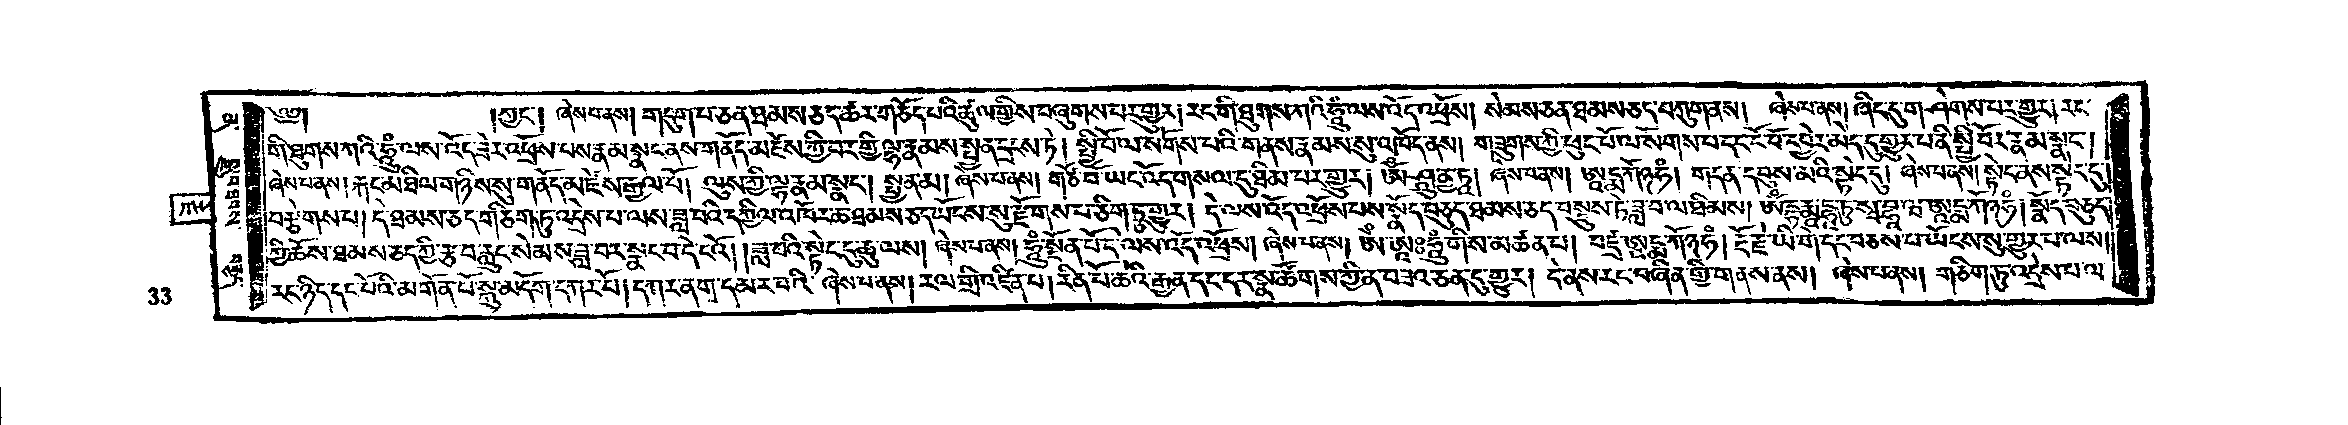༄༅། །ཀྱང་། ཞེས་པ་ནས།  གདུག་པ་ཅན་ཐམས་ཅད་ཚར་གཅོད་པའི་ཚུལ་གྱིས་བཞུགས་པར་གྱུར། རང་གི་ཐུགས་ཀའི་ཧཱུཾ་ལས་འོད་འཕྲོས། སེམས་ཅན་ཐམས་ཅད་བཀུག་ནས། ཞེས་པ་ནས།  ཞིང་དུ་གཤེགས་པར་གྱུར། རང་
གི་ཐུགས་ཀའི་ཧཱུཾ་ལས་འོད་ཟེར་འཕྲོས་པས་རྣམ་སྣང་ནས་གནོད་མཛེས་ཀྱི་བར་གྱི་ལྷ་རྣམས་སྤྱན་དྲངས་ཏེ། སྤྱི་བོ་ལ་སོགས་པའི་གནས་རྣམས་སུ་འཁོད་ནས། གཟུགས་ཀྱི་ཕུང་པོ་ལ་སོགས་པ་དང་ངོ་བོ་དབྱེར་མེད་དུ་གྱུར་པ་ནི་སྤྱི་བོར་རྣམ་སྣང་།
ཞེས་པ་ནས།  རྐང་མཐིལ་གཉིས་སུ་གནོད་མཛེས་རྒྱལ་པོ། ལུས་ཀྱི་ལྷ་རྣམ་སྣང་། སྤྱན་མ། ཞེས་པ་ནས།  གཙོ་བོ་ཡང་འོད་གསལ་དུ་ཐིམ་པར་གྱུར། ཨོཾ་ཤླུ་ནྱ་ཏཱ། ཞེས་པ་ནས།  ཨཱདམ་ཀོཉ་ཧཾ། གདན་དབུས་མའི་སྟེང་དུ། ཞེས་པ་ནས།  སྟེང་ནས་སྟེང་དུ་
བརྩེགས་པ། དེ་ཐམས་ཅད་གཅིག་ཏུ་འདྲེས་པ་ལས་ཟླ་བའི་དཀྱིལ་འཁོར་ཆ་ཐམས་ཅད་ཡོངས་སུ་རྫོགས་པ་ཅིག་ཏུ་གྱུར། དེ་ལས་འོད་འཕྲོས་པས་སྣོད་བཅུད་ཐམས་ཅད་བསྡུས་ཏེ་ཟླ་བ་ལ་ཐིམས། ཨོཾ་དྷརྨཱ་དྷཱ་ཏུ་སྭ་བྷཱ་ཝ་ཨཱདམ་ཀོཉ་ཧཾ། སྣོད་བཅུད་
ཀྱི་ཆོས་ཐམས་ཅད་ཀྱི་རྩ་བ་རླུང་སེམས་ཟླ་བར་སྣང་བ་དེ་ངའོ། །ཟླ་བའི་སྟེང་དུ་ཆུ་ལས། ཞེས་པ་ནས།  ཧཱུཾ་སྔོན་པོ་དེ་ལས་འོད་འཕྲོས། ཞེས་པ་ནས།  ཨོཾ་ཨཱཿ ཧཱུཾ་གིས་མཚན་པ། བཛྲ་ཨཱདམ་ཀོ་ཉ་ཧཾ། རྡོ་རྗེ་ཡི་གེ་དང་བཅས་པ་ཡོངས་སུ་གྱུར་པ་ལས།
རང་ཉིད་དང་པོའི་མགོན་པོ་སྐུ་མདོག་དཀར་པོ། དཀར་ནག་དམར་བའི་ཞེས་པ་ནས།  རལ་གྲི་འཛིན་པ། རིན་པོ་ཆེའི་རྒྱན་དང་དར་སྣ་ཚོགས་ཀྱི་ན་བཟའ་ཅན་དུ་གྱུར། དེ་ནས་རང་བཞིན་གྱི་གནས་ནས། ཞེས་པ་ནས།  གཅིག་ཏུ་འདྲེས་པ་ལ་